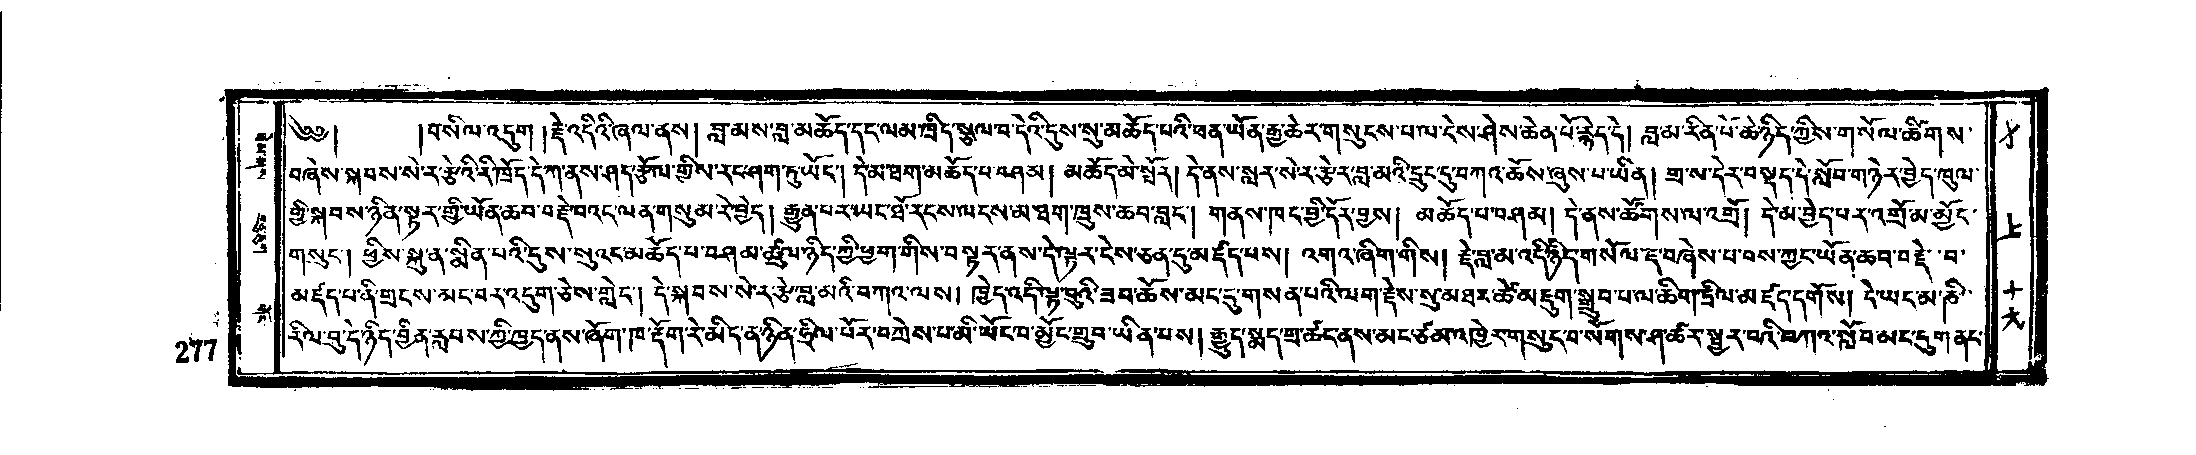༄༅། །བསིལ་འདུག །རྗེ་འདིའི་ཞལ་ནས། བླ་མས་བླ་མཆོད་དང་ལམ་ཁྲིད་སྩལ་བ་དེའི་དུས་སུ་མཆོད་པའི་ཕན་ཡོན་རྒྱ་ཆེར་གསུངས་པ་ལ་ངེས་ཤེས་ཆེན་པོ་རྙེད་དེ། བླ་མ་རིན་པོ་ཆེ་ཉིད་ཀྱིས་གསོལ་ཚིགས་
བཞེས་སྐབས་སེ་ར་རྩེའི་རི་ཁྲོད་དེ་ཀ་ནས་ཤད་རྩོལ་གྱིས་རང་ཤག་ཏུ་ཡོང་། དེ་མ་ཐག་མཆོད་པ་བཤམ། མཆོད་མེ་སྤོར། དེ་ནས་སླར་སེ་ར་རྩེར་བླ་མའི་དྲུང་དུ་བཀའ་ཆོས་ཞུས་པ་ཡིན། གྲ་ས་དེར་བསྡད་དེ་སློབ་གཉེར་བྱེད་ཁུལ་
གྱི་སྐབས་ཉིན་སྟར་གྱི་ཡོན་ཆབ་བརྗེ་བའང་ལན་གསུམ་རེ་བྱེད། རྒྱུན་པར་ཡང་ཐོ་རངས་ལངས་མ་ཐག་ཁྲུས་ཆབ་བླང་། གནས་ཁང་བྱི་དོར་བྱས། མཆོད་པ་བཤམ། དེ་ནས་ཚོགས་ལ་འགྲོ། དེ་མ་བྱེད་པར་འགྲོ་མ་མྱོང་
གསུང་། ཕྱིས་སྐུ་ན་སྨིན་པའི་དུས་སུའང་མཆོད་པ་བཤམ་ཚུལ་ཉིད་ཀྱི་ཕྱག་གིས་བསྟར་ནས་དེ་ལྟར་ངེས་ཅན་དུ་མཛད་པས། འགའ་ཞིག་གིས། རྗེ་བླ་མ་འདི་ཉིད་གསོལ་ཇ་བཞེས་པ་བས་ཀྱང་ཡོན་ཆབ་བརྗེ་བ་
མཛད་པ་ནི་གྲངས་མང་བར་འདུག་ཅེས་གླེང་། དེ་སྐབས་སེ་ར་རྩེ་བླ་མའི་བཀའ་ལས། ཁྱེད་འདི་ལྟ་བུའི་ཟབ་ཆོས་མང་དུ་གསན་པའི་ལག་རྗེས་སུ་མཐར་ཚེ་མཇུག་སྒྲུབ་པ་ལ་ཆིག་དྲིལ་མཛད་དགོས། དེ་ཡང་མ་ཎི་
རིལ་བུ་དེ་ཉིད་བྱིན་རླབས་ཀྱི་ཁྱད་ནས་ཞོག་ཁ་རྡོག་རེ་མིད་ན་ཉིན་ཧྲིལ་པོར་བཀྲེས་པ་མི་ཡོང་བ་མྱོང་གྲུབ་ཡིན་པས། རྒྱུད་སྨད་གྲ་ཚང་ནས་མང་ཙམ་འཁྱེར་གསུང་བ་སོགས་ཤ་ཚར་སྦྱར་བའི་བཀའ་སློབ་མང་དུ་གནང་